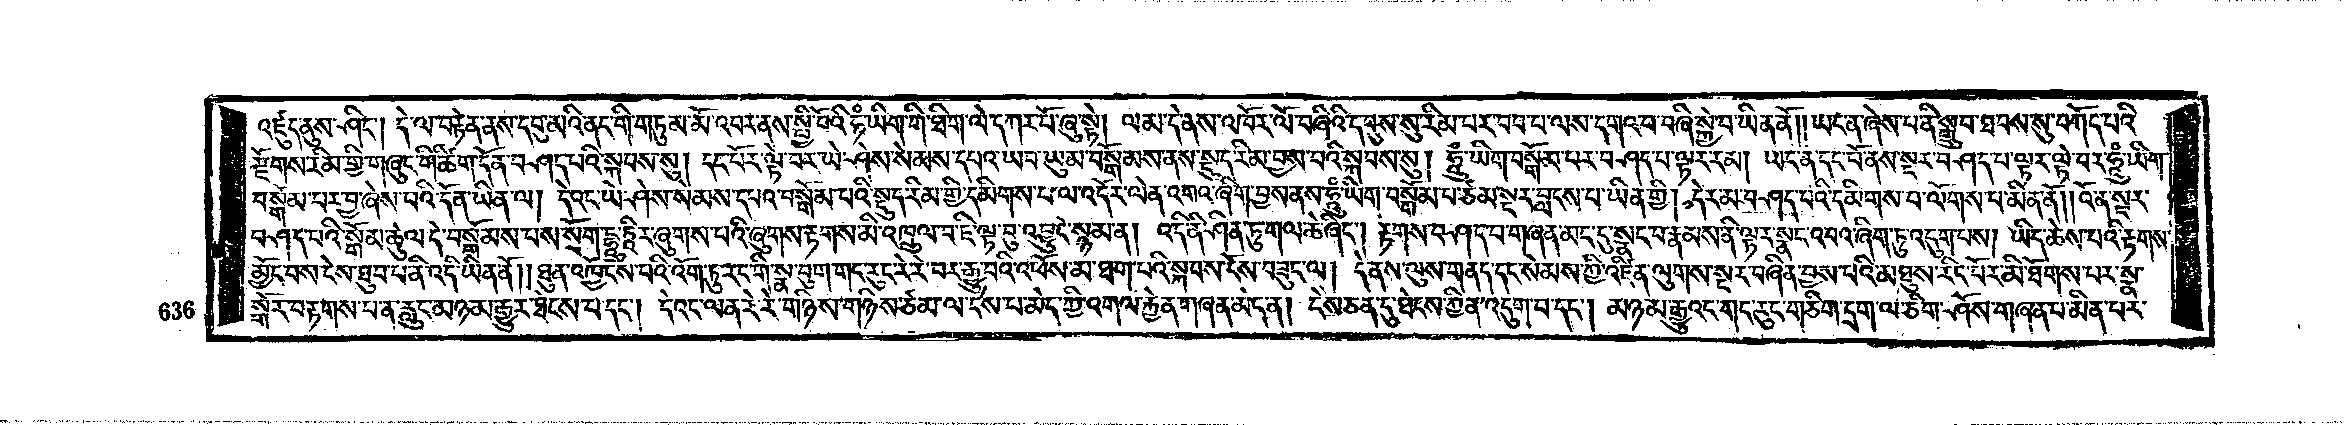འཛུད་ནུས་ཤིང་། དེ་ལ་བརྟེན་ནས་དབུ་མའི་ནང་གི་གཏུམ་མོ་འབར་ནས་སྤྱི་བོའི་ཧཾ་ཡིག་གི་ཐིག་ལེ་དཀར་པོ་ཞུ་སྟེ། ལམ་དེ་ནས་འཁོར་ལོ་བཞིའི་དབུས་སུ་རིམ་པར་བབ་པ་ལས་དགའ་བ་བཞི་སྐྱེ་བ་ཡིན་ནོ། །ཡང་ན་ཞེས་པ་ནི་སྒྲུབ་ཐབས་སུ་བཀོད་པའི་
རྫོགས་རིམ་གྱི་གཞུང་གི་ཚིག་དོན་བཤད་པའི་སྐབས་སུ། དང་པོར་ལྟེ་བར་ཡེ་ཤེས་སེམས་དཔའ་ཡབ་ཡུམ་བསྐོམས་ནས་སྡུད་རིམ་བྱས་པའི་སྐབས་སུ། ཧཱུཾ་ཡིག་བསྒོམ་པར་བཤད་པ་ལྟར་རམ། ཡང་ན་དང་པོ་ནས་སྔར་བཤད་པ་ལྟར་ལྟེ་བར་ཧཱུཾ་ཡིག་
བསྒོམ་པར་བྱ་ཞེས་པའི་དོན་ཡིན་ལ། དེའང་ཡེ་ཤེས་སེམས་དཔའ་བསྒོམ་པའི་སྡུད་རིམ་གྱི་དམིགས་པ་ལ་འདོར་ལེན་འགའ་ཞིག་བྱས་ནས་ཧཱུཾ་ཡིག་བསྒོམ་པ་ཙམ་སྔར་བླངས་པ་ཡིན་གྱི། དེར་མ་བཤད་པའི་དམིགས་པ་ལོགས་པ་མིན་ནོ། །འོ་ན་སྔར་
བཤད་པའི་སྒོམ་ཚུལ་དེ་བསྒོམས་པས་སྲོག་དྷཱུ་ཏཱིར་ཞུགས་པའི་ཞུགས་རྟགས་མི་འཁྲུལ་བ་ཇི་ལྟ་བུ་འབྱུང་སྙམ་ན། འདི་ནི་ཤིན་ཏུ་གལ་ཆེ་ཞིང་། རྟགས་བཤད་པ་གཞན་མང་དུ་སྣང་བ་རྣམས་ནི་ལྟར་སྣང་འབའ་ཞིག་ཏུ་འདུག་པས། ཡིད་ཆེས་པའི་རྟགས་
མྱོང་བས་ངེས་ཐུབ་པ་ནི་འདི་ཡིན་ནོ། །ཐུན་འཁྱོངས་པའི་འོག་ཏུ་རང་གི་སྣ་བུག་གང་རུང་རེ་རེ་བར་རྒྱུ་བའི་འཕོས་?་མ་ཐག་པའི་སྐབས་ངོས་བཟུང་ལ། དེ་ནས་ལུས་གནད་དང་སེམས་ཀྱི་འཛིན་ལུགས་སྔར་བཞིན་བྱས་པའི་མཐུས་རིང་པོར་མི་ཐོགས་པར་སྣ་
སྒོར་བརྟགས་པ་ན་རླུང་མཉམ་རྒྱུར་ཐེངས་པ་དང་། དེའང་ལན་རེ་རེ་གཉིས་གཉིས་ཙམ་ལ་ངེས་པ་མེད་ཀྱི་འགལ་རྐྱེན་གཞན་མེད་ན། ངེས་ཅན་དུ་ཐེངས་ཀྱིན་འདུག་པ་དང་། མཉམ་རྒྱུའང་གང་རུང་གཅིག་དྲག་ལ་ཅིག་ཤོས་གཞན་པ་མིན་པར་